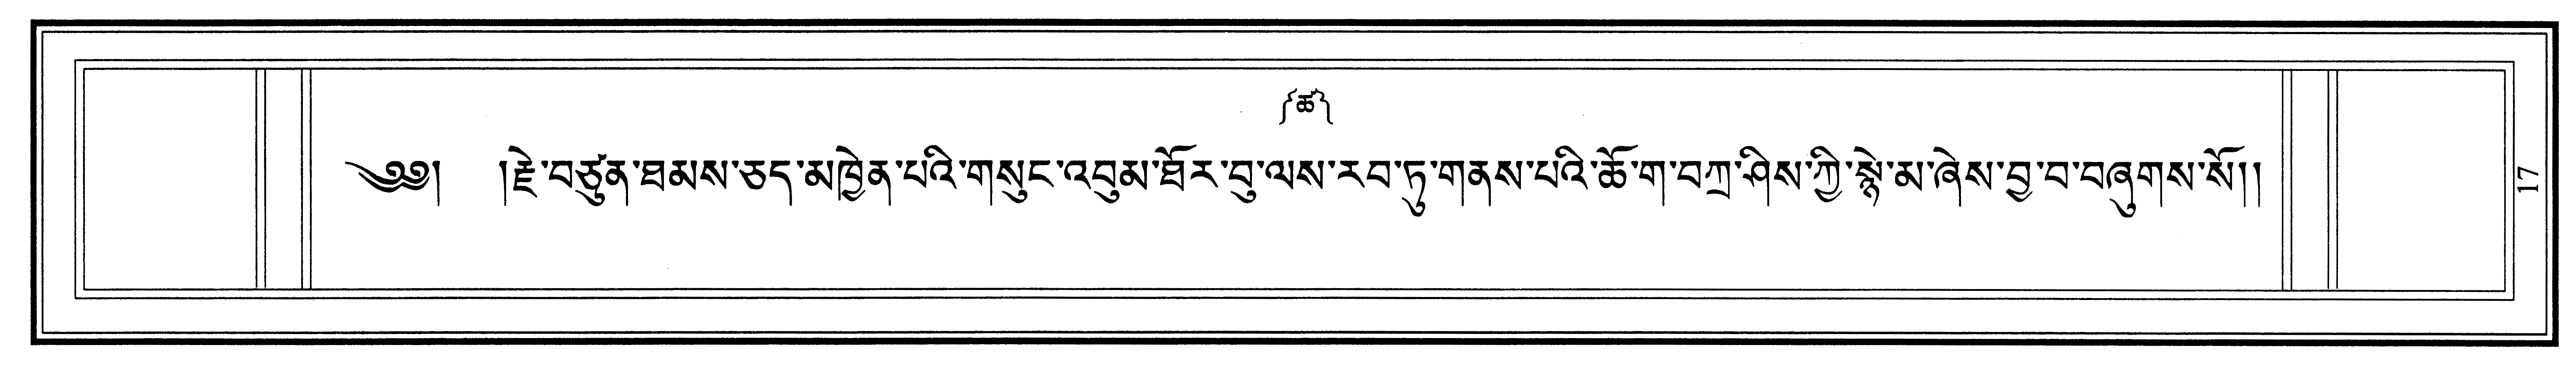༄༅། །རྗེ་བཙུན་ཐམས་ཅད་མཁྱེན་པའི་གསུང་འབུམ་ཐོར་བུ་ལས་རབ་ཏུ་གནས་པའི་ཆོ་ག་བཀྲ་ཤིས་ཀྱི་སྙེ་མ་ཞེས་བྱ་བ་བཞུགས་སོ།།